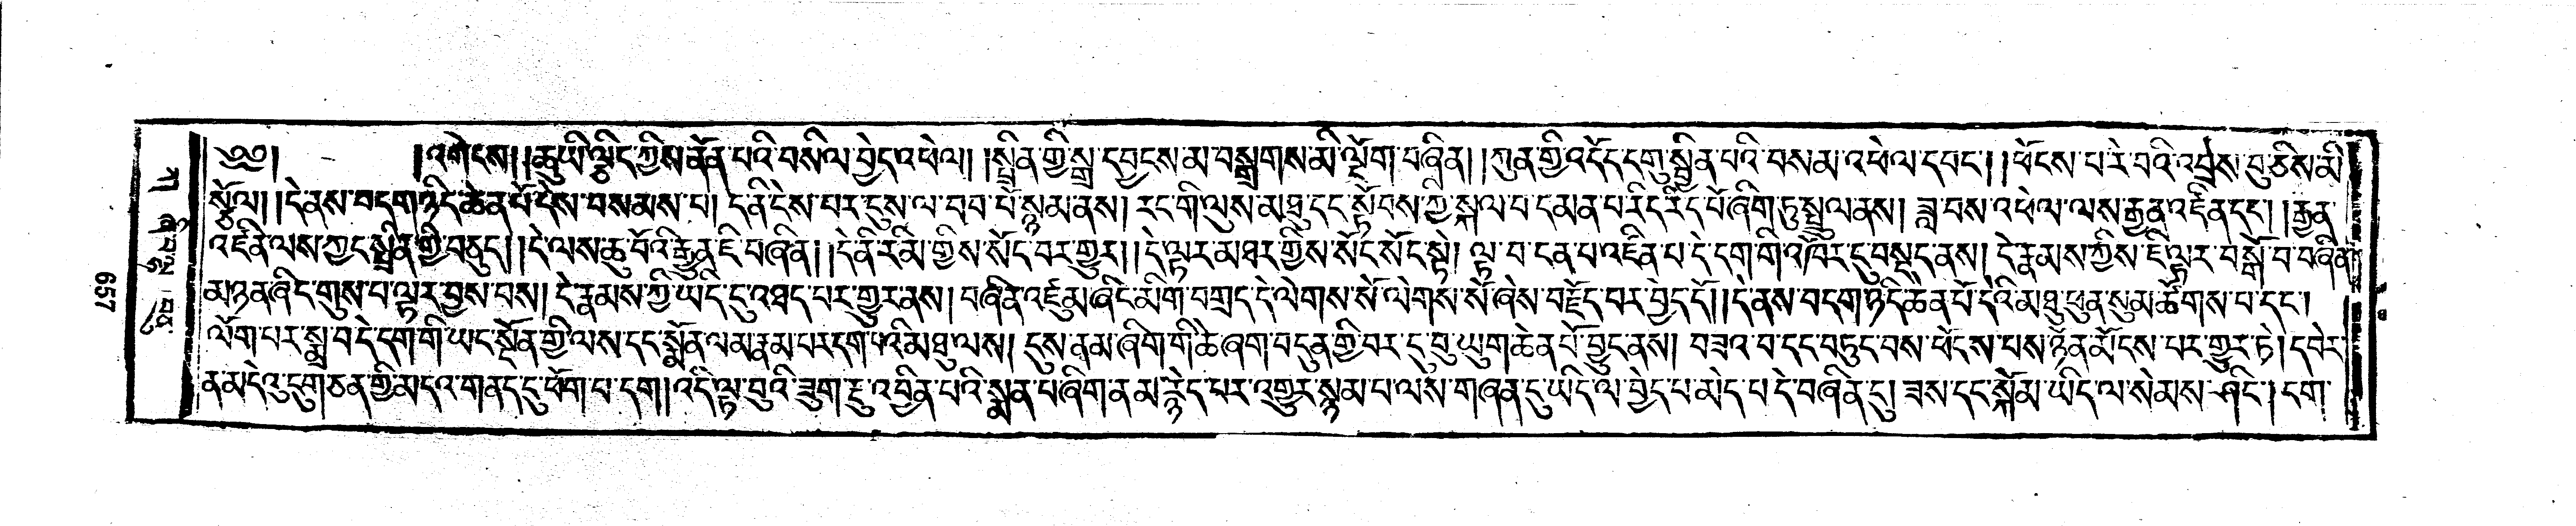༄༅། །འགེངས། །ཆུ་ཡི་ལྕིད་ཀྱིས་ནོན་པའི་བསིལ་བྱེད་འཕེལ། །སྤྲིན་གྱི་སྒྲ་དབྱངས་མ་བསྒྲགས་མི་ལྡོག་བཞིན། །ཀུན་གྱི་འདོད་དགུ་སྦྱིན་པའི་བསམ་འཕེལ་དབང་། །ཕོངས་པ་རེ་བའི་འབྲས་བུ་ཅིས་མི་
སྩོལ། །དེ་ནས་བདག་ཉིད་ཆེན་པོ་དེས་བསམས་པ། ད་ནི་ངེས་པར་དུས་ལ་བབ་པ་སྙམ་ནས། རང་གི་ལུས་མཐུ་དང་སྟོབས་ཀྱི་སྐལ་བ་དམན་པ་རིད་རིད་པོ་ཞིག་ཏུ་སྤྲུལ་ནས། ཟླ་བས་འཕེལ་ལས་རྒྱན་འཛིན་དང་། །རྒྱན་
འཛིན་ལས་ཀྱང་སྤྲིན་གྱི་བཅུད། །དེ་ལས་ཆུ་བོའི་རྒྱུན་ཇི་བཞིན། །དེ་ནི་རིམ་གྱིས་སོང་བར་གྱུར། །དེ་ལྟར་མཐར་གྱིས་སོང་སོང་སྟེ། ལྟ་བ་ངན་པ་འཛིན་པ་དེ་དག་གི་འཁོར་དུ་བསྡད་ནས། དེ་རྣམས་ཀྱིས་དེ་ལྟར་བསྒོ་བ་བཞིན།
མཉན་ཞིང་གུས་པ་ལྟར་བྱས་པས། དེ་རྣམས་ཀྱི་ཡིད་དུ་འཐད་པར་གྱུར་ནས། བཞིན་འཛུམ་ཞིང་མིག་བགྲད་དེ་ལེགས་སོ་ལེགས་སོ་ཞེས་བརྗོད་པར་བྱེད་དོ། །དེ་ནས་བདག་ཉིད་ཆེན་པོ་དེའི་མཐུ་ཕུན་སུམ་ཚོགས་པ་དང་།
ལོག་པར་སྨྲ་བ་དེ་དག་གི་ཡང་སྔོན་གྱི་ལས་དང་སྨོན་ལམ་རྣམ་པར་དག་པའི་མཐུ་ལས། དུས་ནམ་ཞིག་གི་ཚེ་ཞག་བདུན་གྱི་བར་དུ་བུ་ཡུག་ཆེན་པོ་བྱུང་ནས། བཟའ་བ་དང་བཏུང་བས་འོངས་པས་ཉོན་མོངས་པར་གྱུར་ཏེ། དཔེར་
ན་མདེའུ་དུག་ཅན་གྱི་མདའ་གནད་དུ་ཕོག་པ་དག །འདི་ལྟ་བུའི་ཟུག་རྔུ་འབྱིན་པའི་སྨན་པ་ཞིག་ན་མ་རྙེད་པར་འགྱུར་སྙམ་པ་ལས་གཞན་དུ་ཡིད་ལ་བྱེད་པ་མེད་པ་དེ་བཞིན་དུ། ཟས་དང་སྐོམ་ཡིད་ལ་སམས་ཤིང་། ངག་